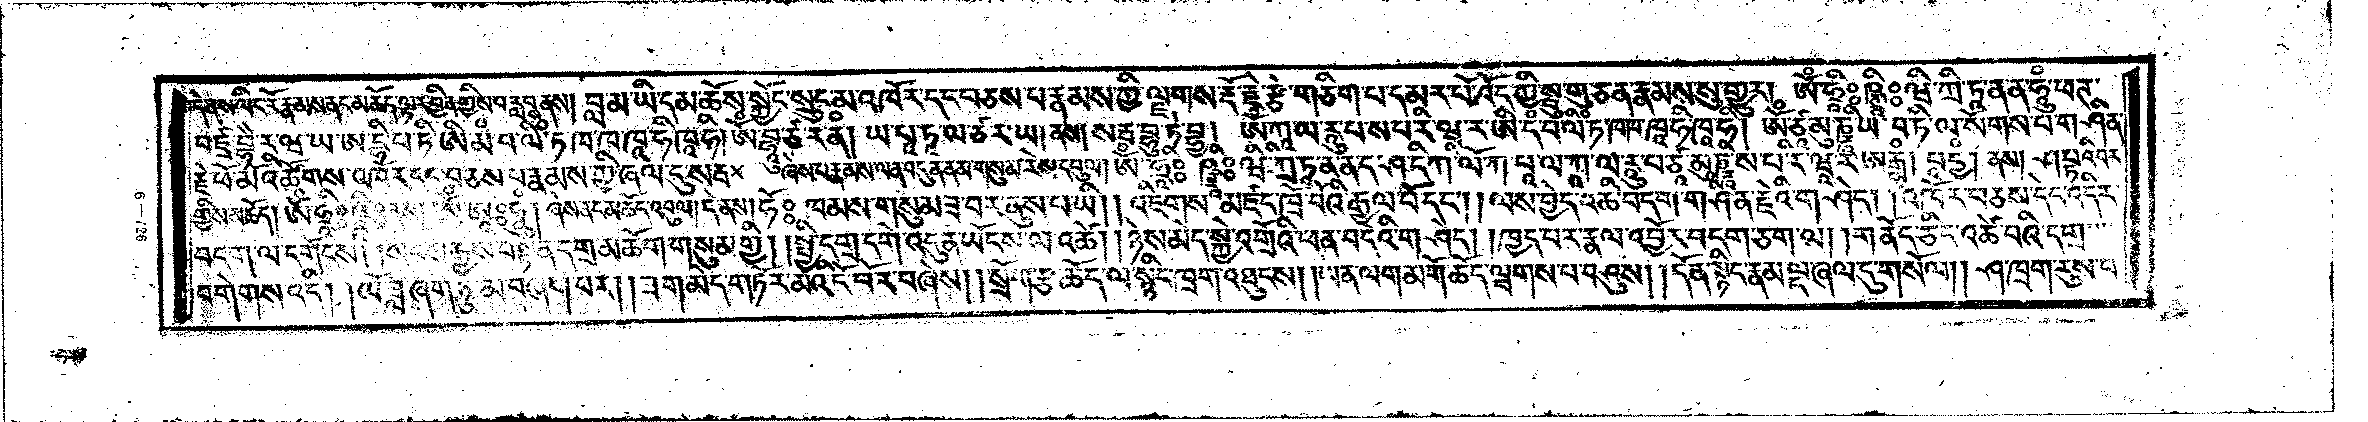དེ་ནས་ལིང་རོ་རྣམས་ནང་མཆོད་ལྟར་བྱིན་གྱིས་བརླབས་ནས། །བླ་མ་ཡི་དམ་ཆོས་སྐྱོང་སྲུང་མ་འཁོར་དང་བཅས་པ་རྣམས་ཀྱི་ལྗགས་རྡོ་རྗེ་རྩི་གཅིག་པ་དམར་པོ་འོད་ཀྱི་སྦུ་གུ་ཅན་རྣམས་སུ་གྱུར། ཨོཾ་ཧྲཱཿཥྚཱིཿཝི་ཀྲི་ཏཱ་ནན་ཧཱུཾ་ཕཌ་
བཛྲ་བྷཻ་ར་ཝ་ཡ་ཨདྷི་པ་ཏི་ཨི་མཾ་པ་ལི་ཏ་ཁ་ཁ་ཁཱ་ཧི་ཁཱ་ཧི། ཨོཾ་བྷཱུ་ཙ་ར་ནཾ། ཡ་པཱ་ཏཱ་ལ་ཙ་ར་ཡ། ནས། སརྦ་བྷུ་ཏེ་བྷྱ། ཨོཾ་ཀཱ་ལ་རཱུ་པ་ས་པ་རི་ཝ་ར་ཨི་དཾ་བ་ལིཾ་ཏ་ཁ་ཁ་ཁཱ་ཧི་ཁཱ་ཧི། །ཨོཾ་ཙཱ་མུཎྚཱི་ཡ་ཏི་ལ་སོགས་པ་གཤིན་
རྗེ་ཕོ་མོའི་ཚིགས་འཁོར་དང་བཅས་པ་རྣམས་ཀྱི་ཞལ་དུ་སརྦ་྾་ཞེས་པ་རྣམས་ལན་བདུན་ནམ་གསུམ་རེས་དབུལ། ཨོཾ་ཧྲཱིཿ ཥྚཱིཿ ཝི་ཀྲི་ཏཱ་ན་ན་ད་ཤ་དིཀ་ལོ་ཀ་པཱ་ལ་ཀཱ་ལ་རཱུ་པ་ཙཱ་མུཎྜཱི་ས་པ་རི་ཝཱ་ར་ཡ་ཨརྒྷཾ། པཱདྱཾ། ནས། ཤཔྟའི་བར་
གྱིས་མཆོད། ཨོཾ་ཧྲིའིཿཥྚཱིཿནས། ཨོཾ་ཨཱཿཧཱུཾ། ཞེས་ནང་མཆོད་འབུལ། དེ་ནས། ཧོཿ ཁམས་གསུམ་ཟ་བར་ནུས་པ་ཡི། །འཇིགས་མཛད་ཁྲོ་བོའི་རྒྱལ་པོ་དང་། ལས་བྱེད་འཆི་བདག་གཤིན་རྗེའི་གཤེད། །འཁོར་བཅས་དེང་འདིར་
བདག་ལ་དགོངས། །སངས་རྒྱས་བསྟན་དགྲ་མཆོག་གསུམ་གྱི། །སྤྱི་དགྲ་དགེ་འདུན་ཡོངས་ལ་འཚེ། །ཉེས་མེད་སྐྱེ་འགྲོའི་ཕན་བདེའི་བཤེད། །ཁྱད་པར་རྣལ་འབྱོར་བདག་ཅག་ལ། །གནོད་ཅིང་འཚེ་བའི་དགྲ་
བགེགས་འདི། །ལོ་ཟླ་ཞག་ཏུ་མ་བཞག་པར། །ཟག་མེད་གཏོར་མའི་ངོ་བོར་བཞེས། །སྲོག་རྩ་ཆོད་ལ་སྙིང་ཁྲག་འཐུངས། །ཡན་ལག་མགོ་ཆོད་ལྤགས་ལ་བཤུས། །དོན་སྙིང་རྣམ་ལྔ་ཞལ་དུ་གསོལ། །ཤ་ཁྲག་རུས་པ་